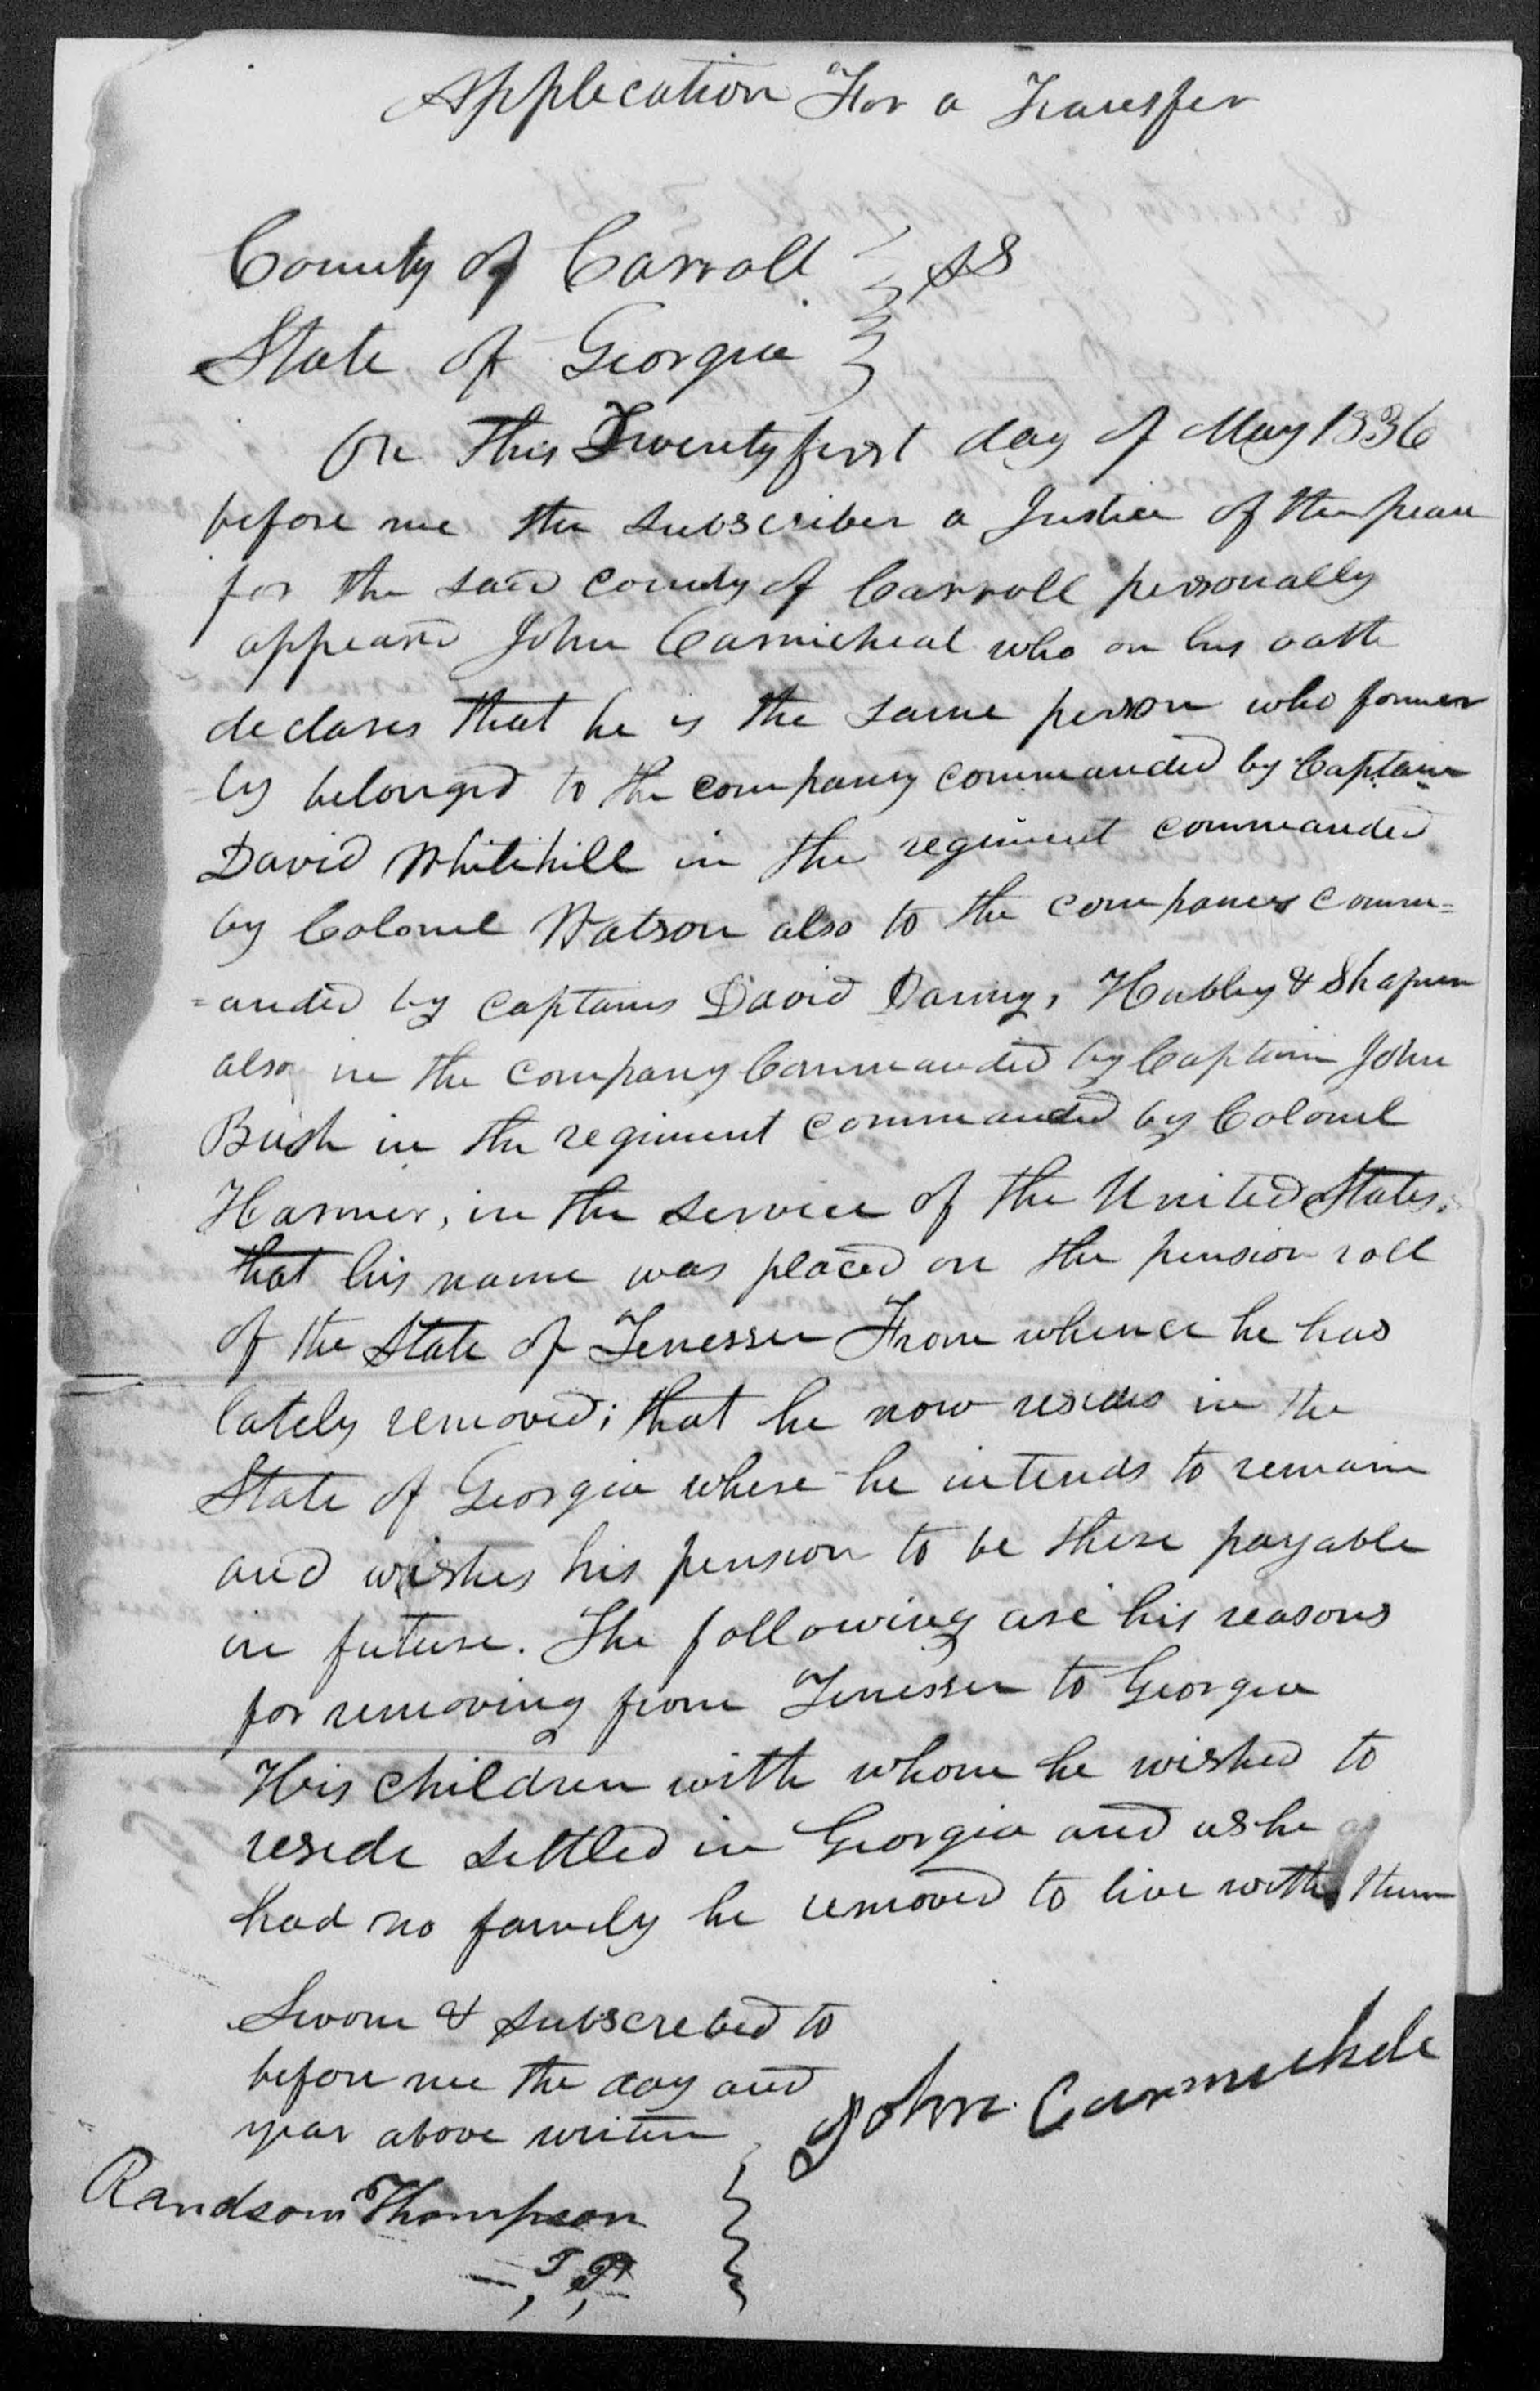Application for a Transfer
County of Carroll
State of Georgia
SS
On this Twenty first day of May 1836
before me the subscriber a Justice of the peace
for the said County of Carroll personally
appeared John Carmicheal who on his oath
declares that he is the same person who formerly belonged to the company commanded by Captain
David Whitehill in the regiment commanded
by Colonel Watson also to the company commanded by Captains David Daucy, Hubley & Shapen
also in the company commanded by Capt John
Bush in the regiment commanded by Colonel
Hamier, in the service of the United States.
that his name was placed on the pension roll
of the State of Tennessee From whence he has
lately removed; that he now resides in the
State of Georgia where he intends to remain
and wishes his pension to be there payable
in future. The following are his reasons
for removing from Tennessee to Georgia
His children with whom he wished to
reside settled in Georgia and as he a
had no family he removed to live with them
Sworn & subscribed to
before me the day and
year above written
Randsom Thompson
John Carmichele
W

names: Hubley, Randsom Thompson, Harmer, John Carmichele, Shafner, John Carnicheal, Watson, John Bush, David Danny, David Whitehill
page: 7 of 42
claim: survivor's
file: S. 31,595, John Carmickele, Penn.